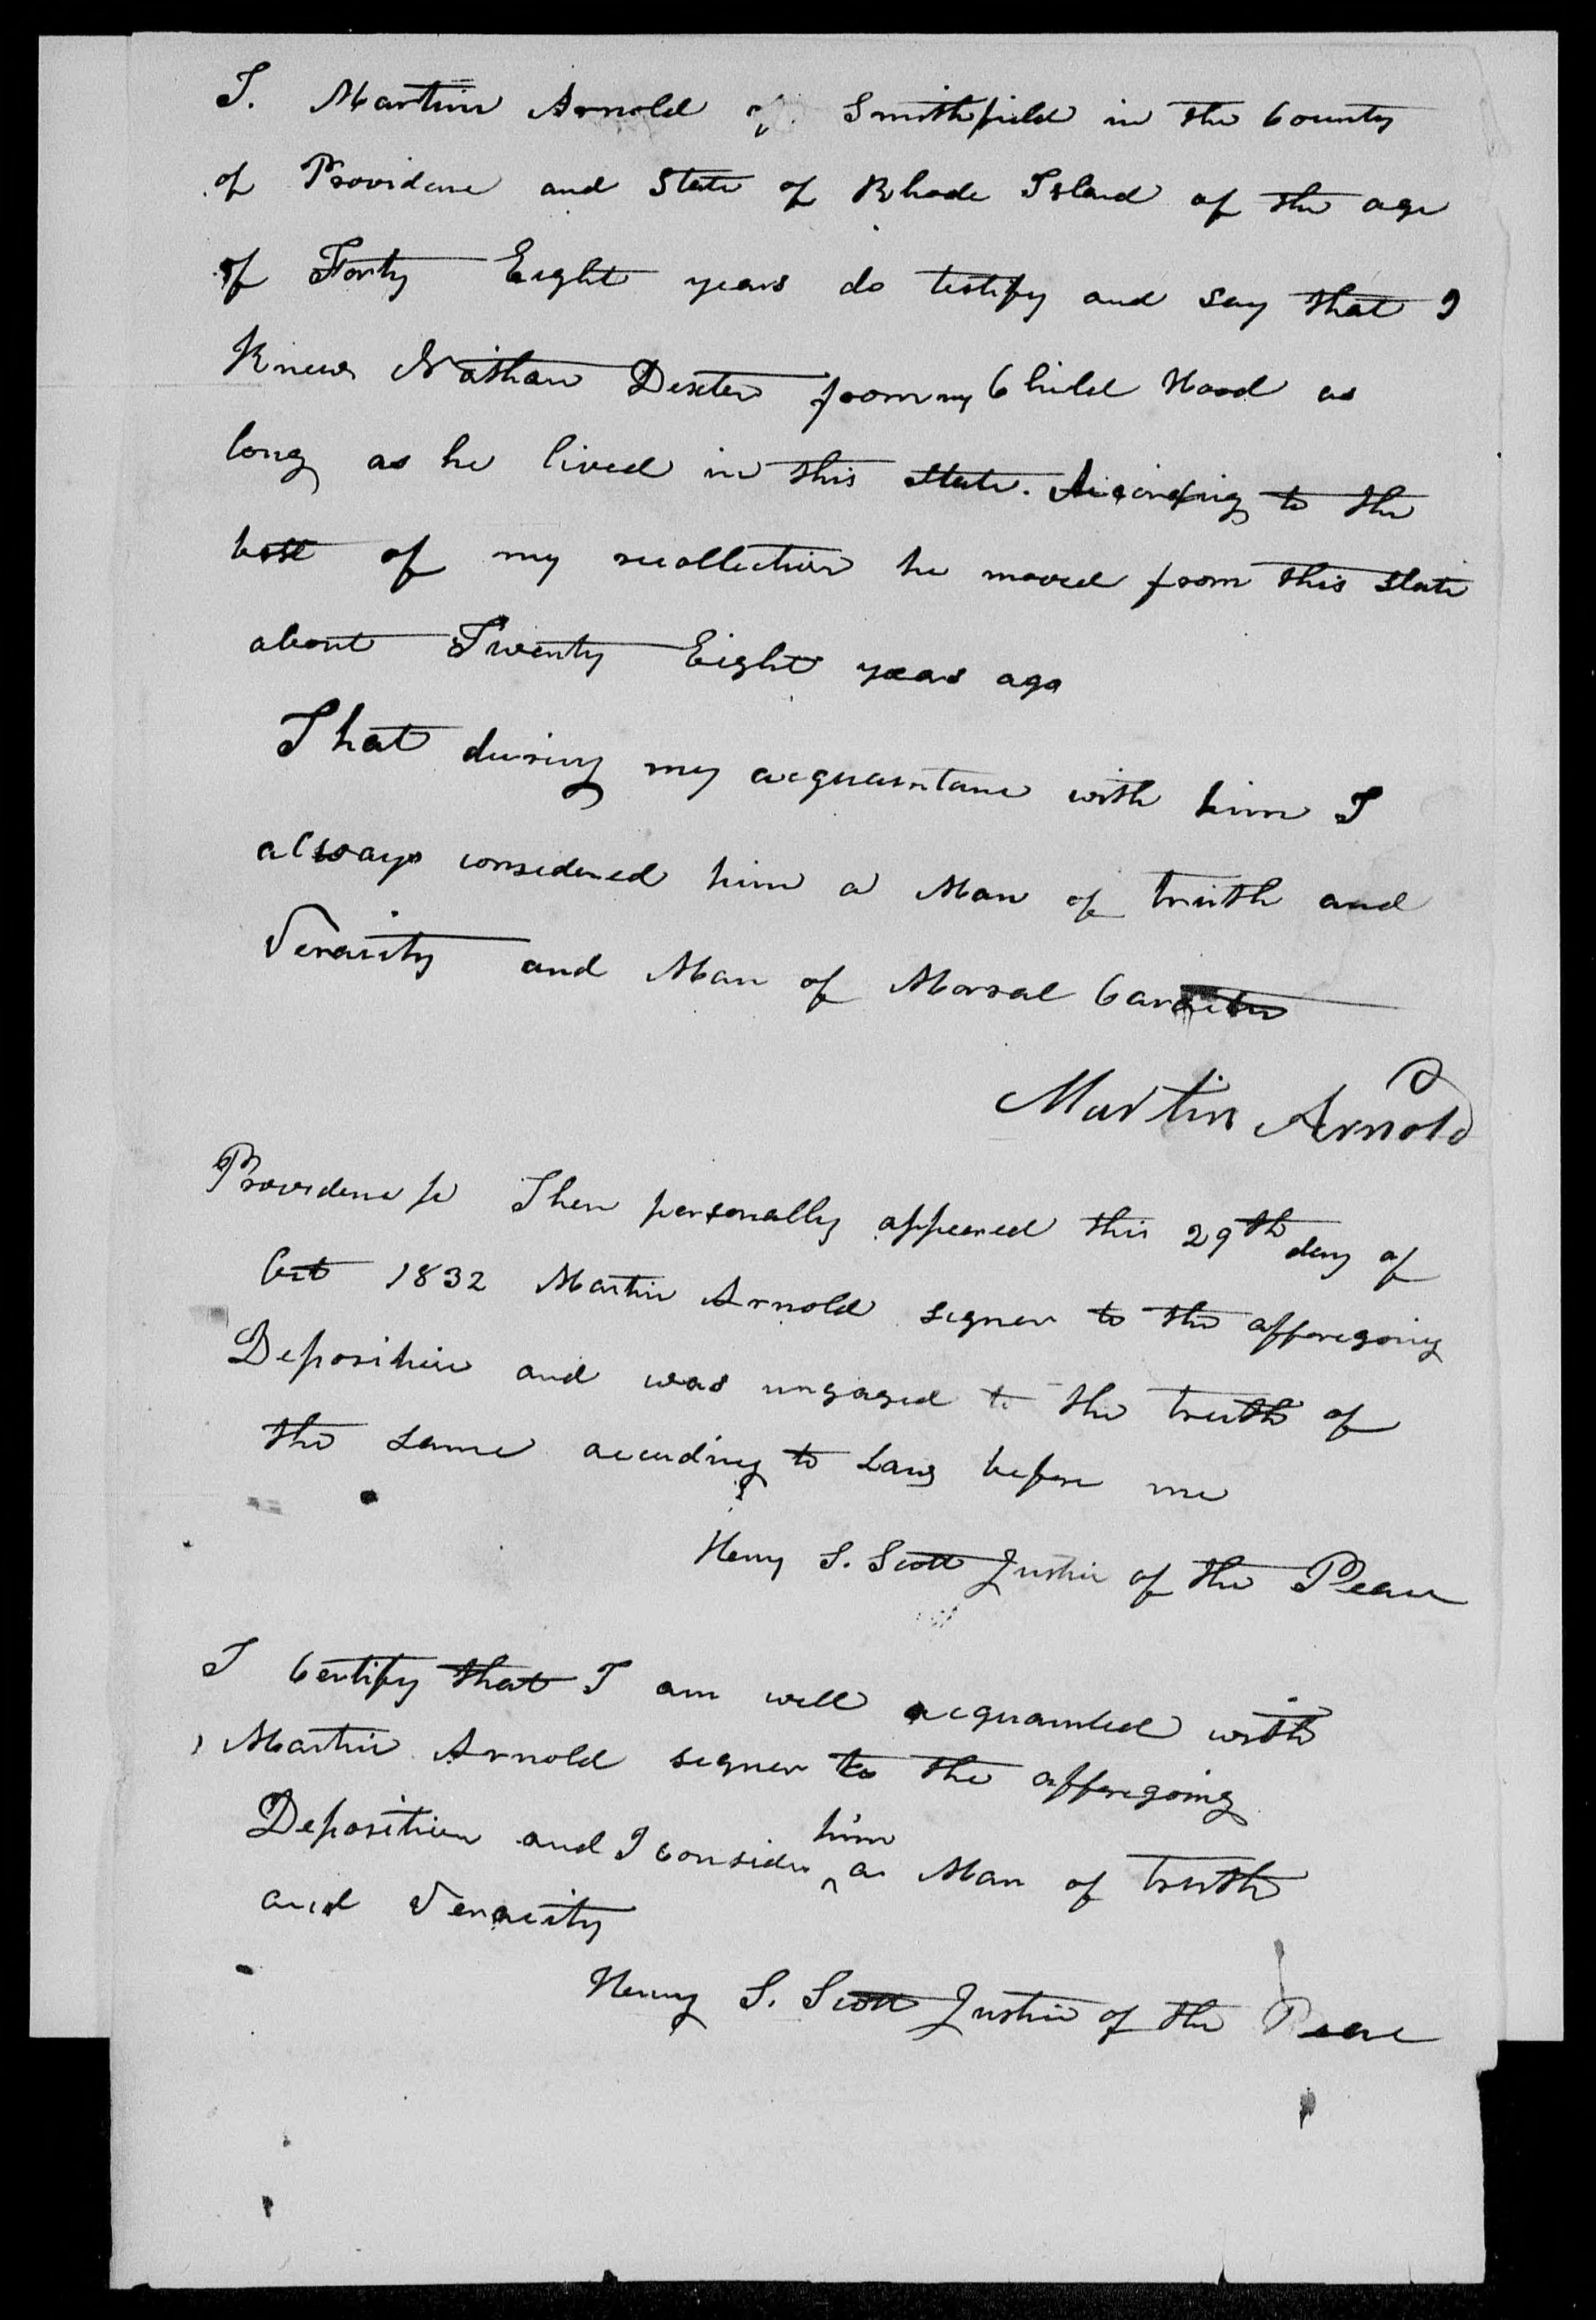I, Martin Arnold of Smithfield in the County of Providence and State of Rhode Island of the age of Forty Eight years do testify and say that I knew Nathan Dexter from my Child Hood as long as he lived in this state. According to the best of my recollection he moved from this state about Twenty Eight years ago. That during my acquaintance with him I always considered him a Man of truth and Veracity and Man of Moral Caracter [character]. 
 Martin Arnold.
Providence Ss. Then personally appeared this 29th day of Oct 1832 Martin Arnold signer to the afforegoing Deposition and was engaged to the truth of the same according to law before me. Henry S. Scott Justice of the Peace
I Certify that I am well acquainted with Martin Arnold signer to the afforegoing Deposition and I consider him a Man of truth and Veracity 
 Henry S. Scott Justice of the Peace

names: Martin Arnold, Martin Arnold, Nathan Dexter, Henry S Scott, Martin Arnold, Martin Arnold, Henry S Scott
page: 29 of 35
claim: survivor's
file: S. 18374, Nathan Dexter, R.I.